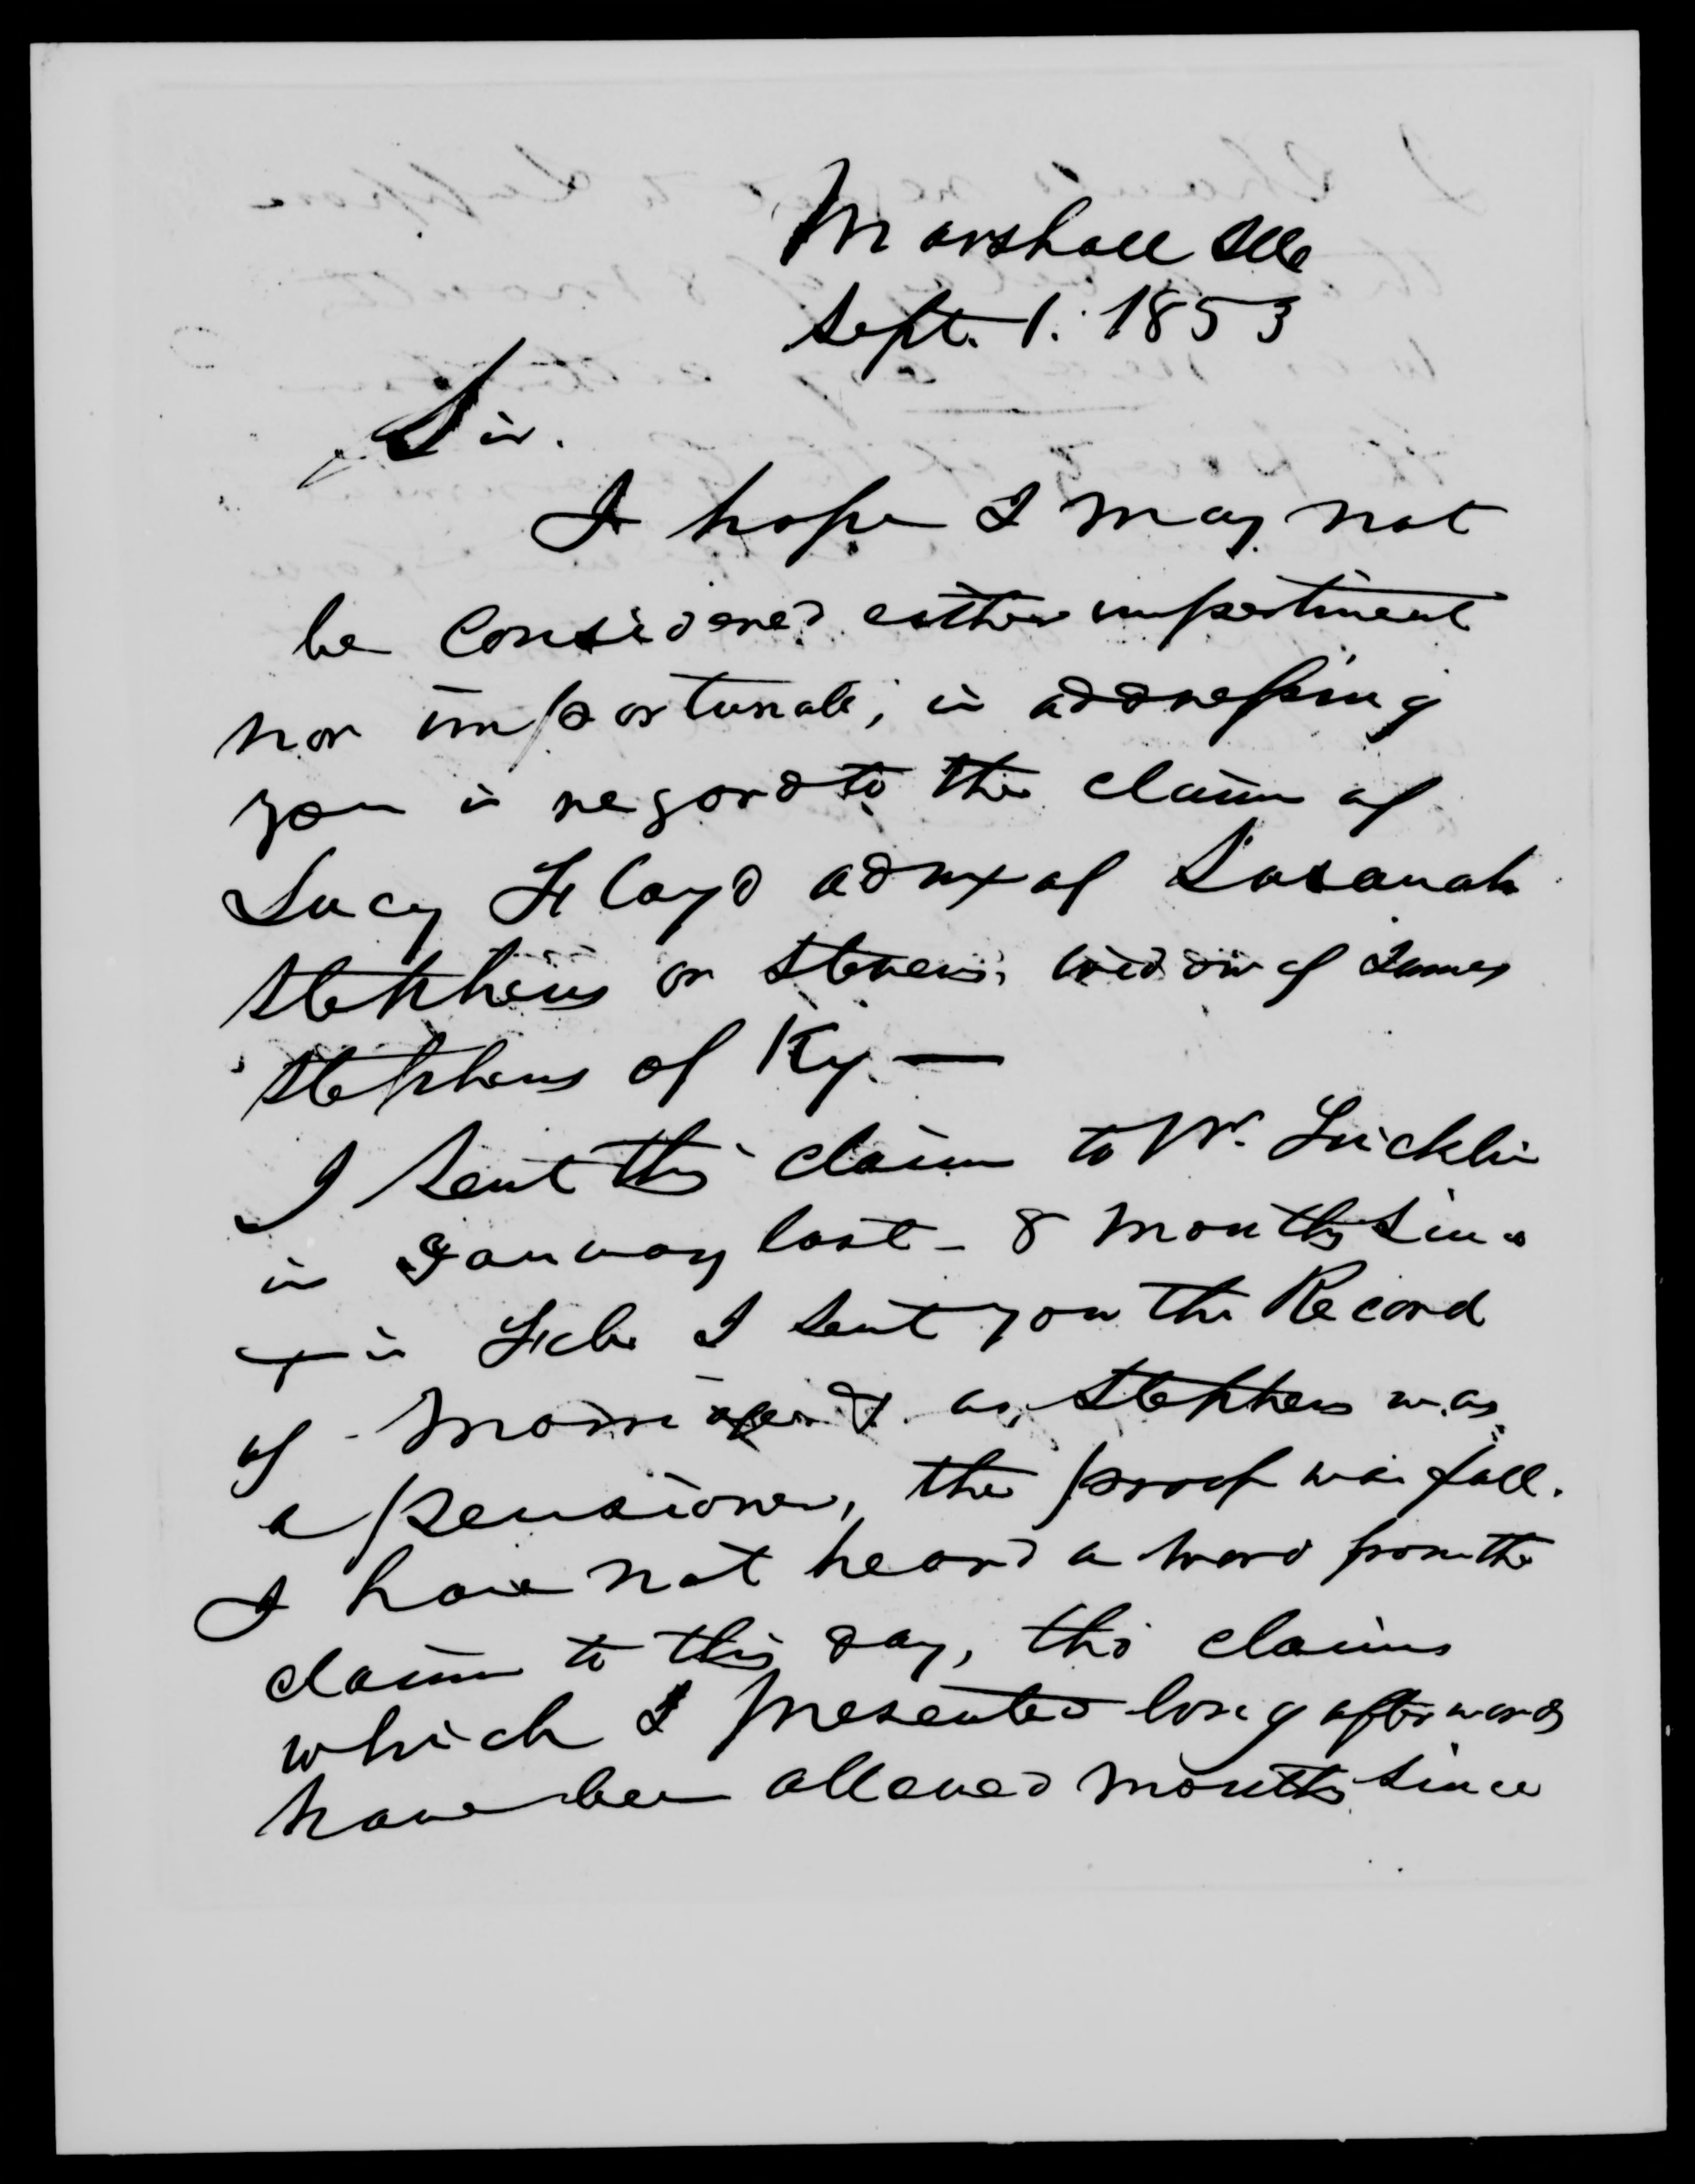Marshall Ill
Sept 1. 1853
Sir.
I hope I may not be considered either impertinent nor importunate in addressing you in regard to the claim of Lucy Floyd admx of Susanah Stephens or Stevens, widow of James Stephens of Ky - 
I sent the claim to Mr Lucklin in January last - 8 months since & in Feb I sent you the Record of Mom [illigeible] & as Stephens was a pensioner, the proof was fall. I have not heard a word from the claim to his day, tho claims which I presented long afterwards have been allowed months since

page: 62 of 99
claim: widow's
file: W 8766, for James Stevens, Virginia